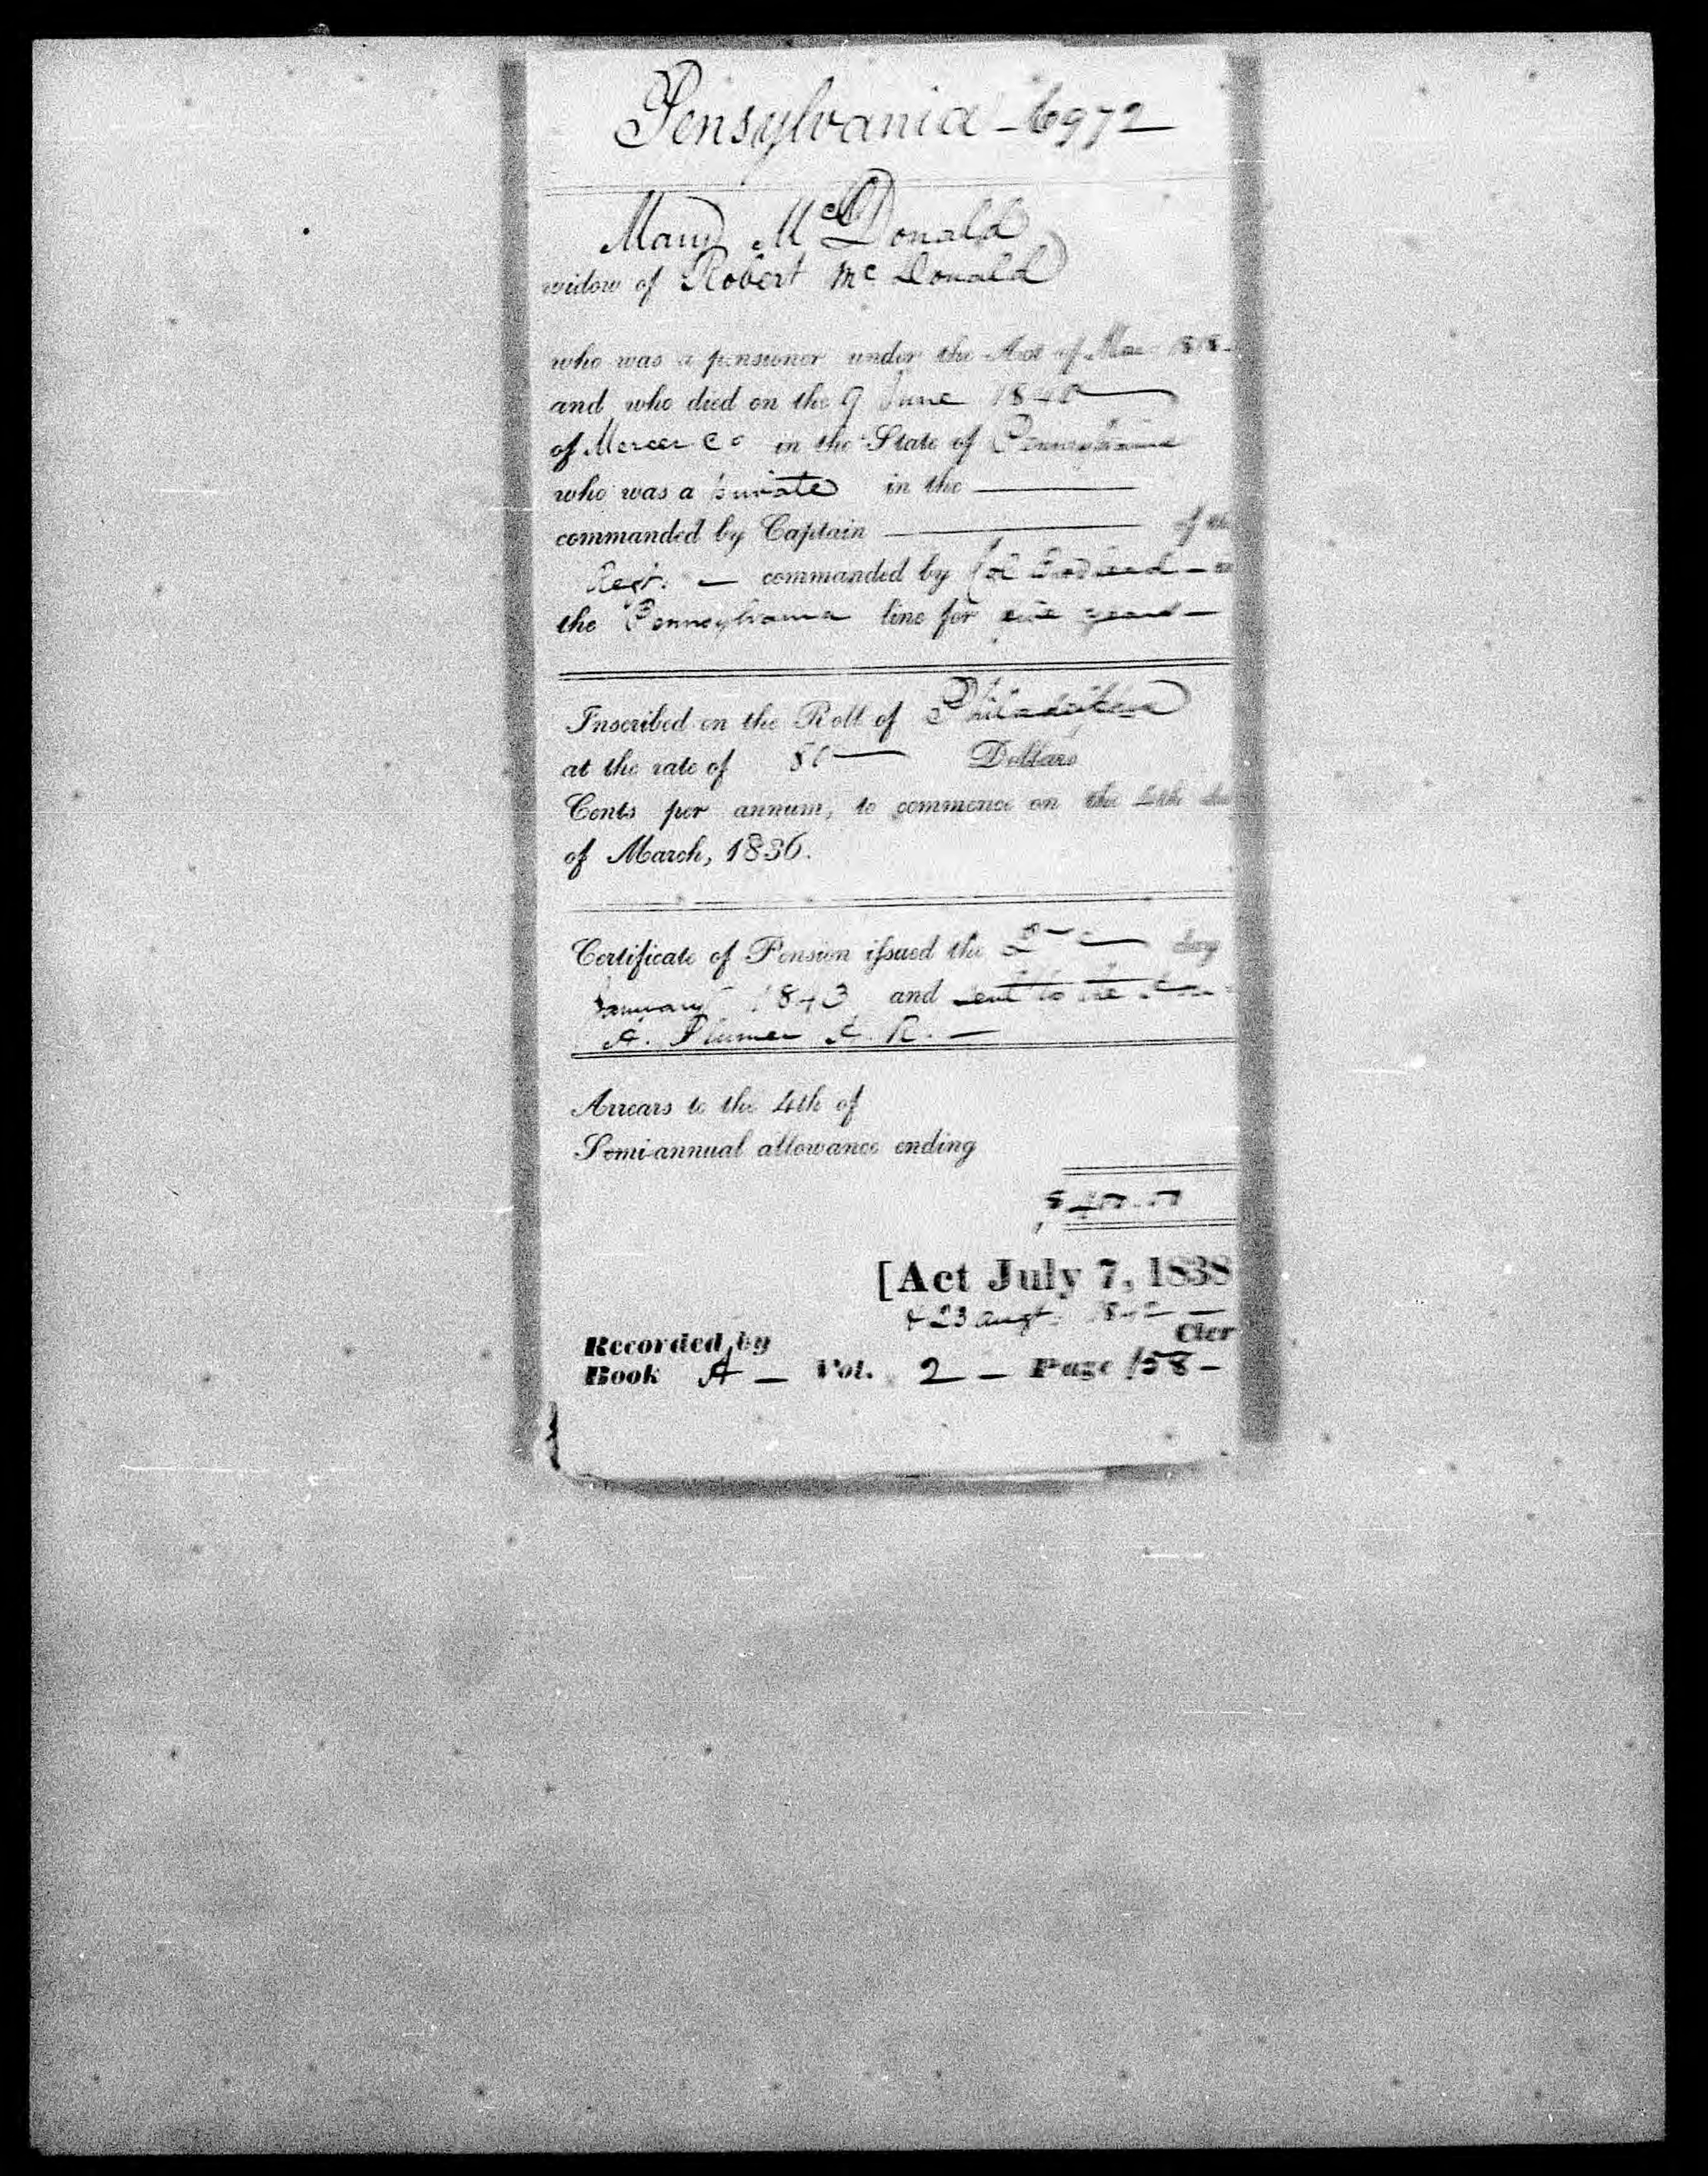Pennsylvania 6972
Mary McDonald widow of Robert McDonald who was a pensioner under the Act of Mar 1818 and who died on the 9 June 1840 of Mercer Co in the State of Pennsylvania who was a private in the...commanded by Captain....of the Regiment commanded by Col Broadhead the Pennsylvania line for five years
Inscribed on the Roll of Philadelphia at the rate of 80 Dollars Cents per annum, to commence on the 6th  day of March 1836
Certificate of Pension issued the 27th day of January 1843 and sent to the Hon A. Plumer H.R.
Arrears to the 4th of Semi annual allowance ending
$400.00
Act July 7, 1838 and 23 August 1842
Recorded by Book A Vol. 2 Page 158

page: 26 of 59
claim: widow's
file: W 3703, for Robert Mc Donald, Pennsylvania